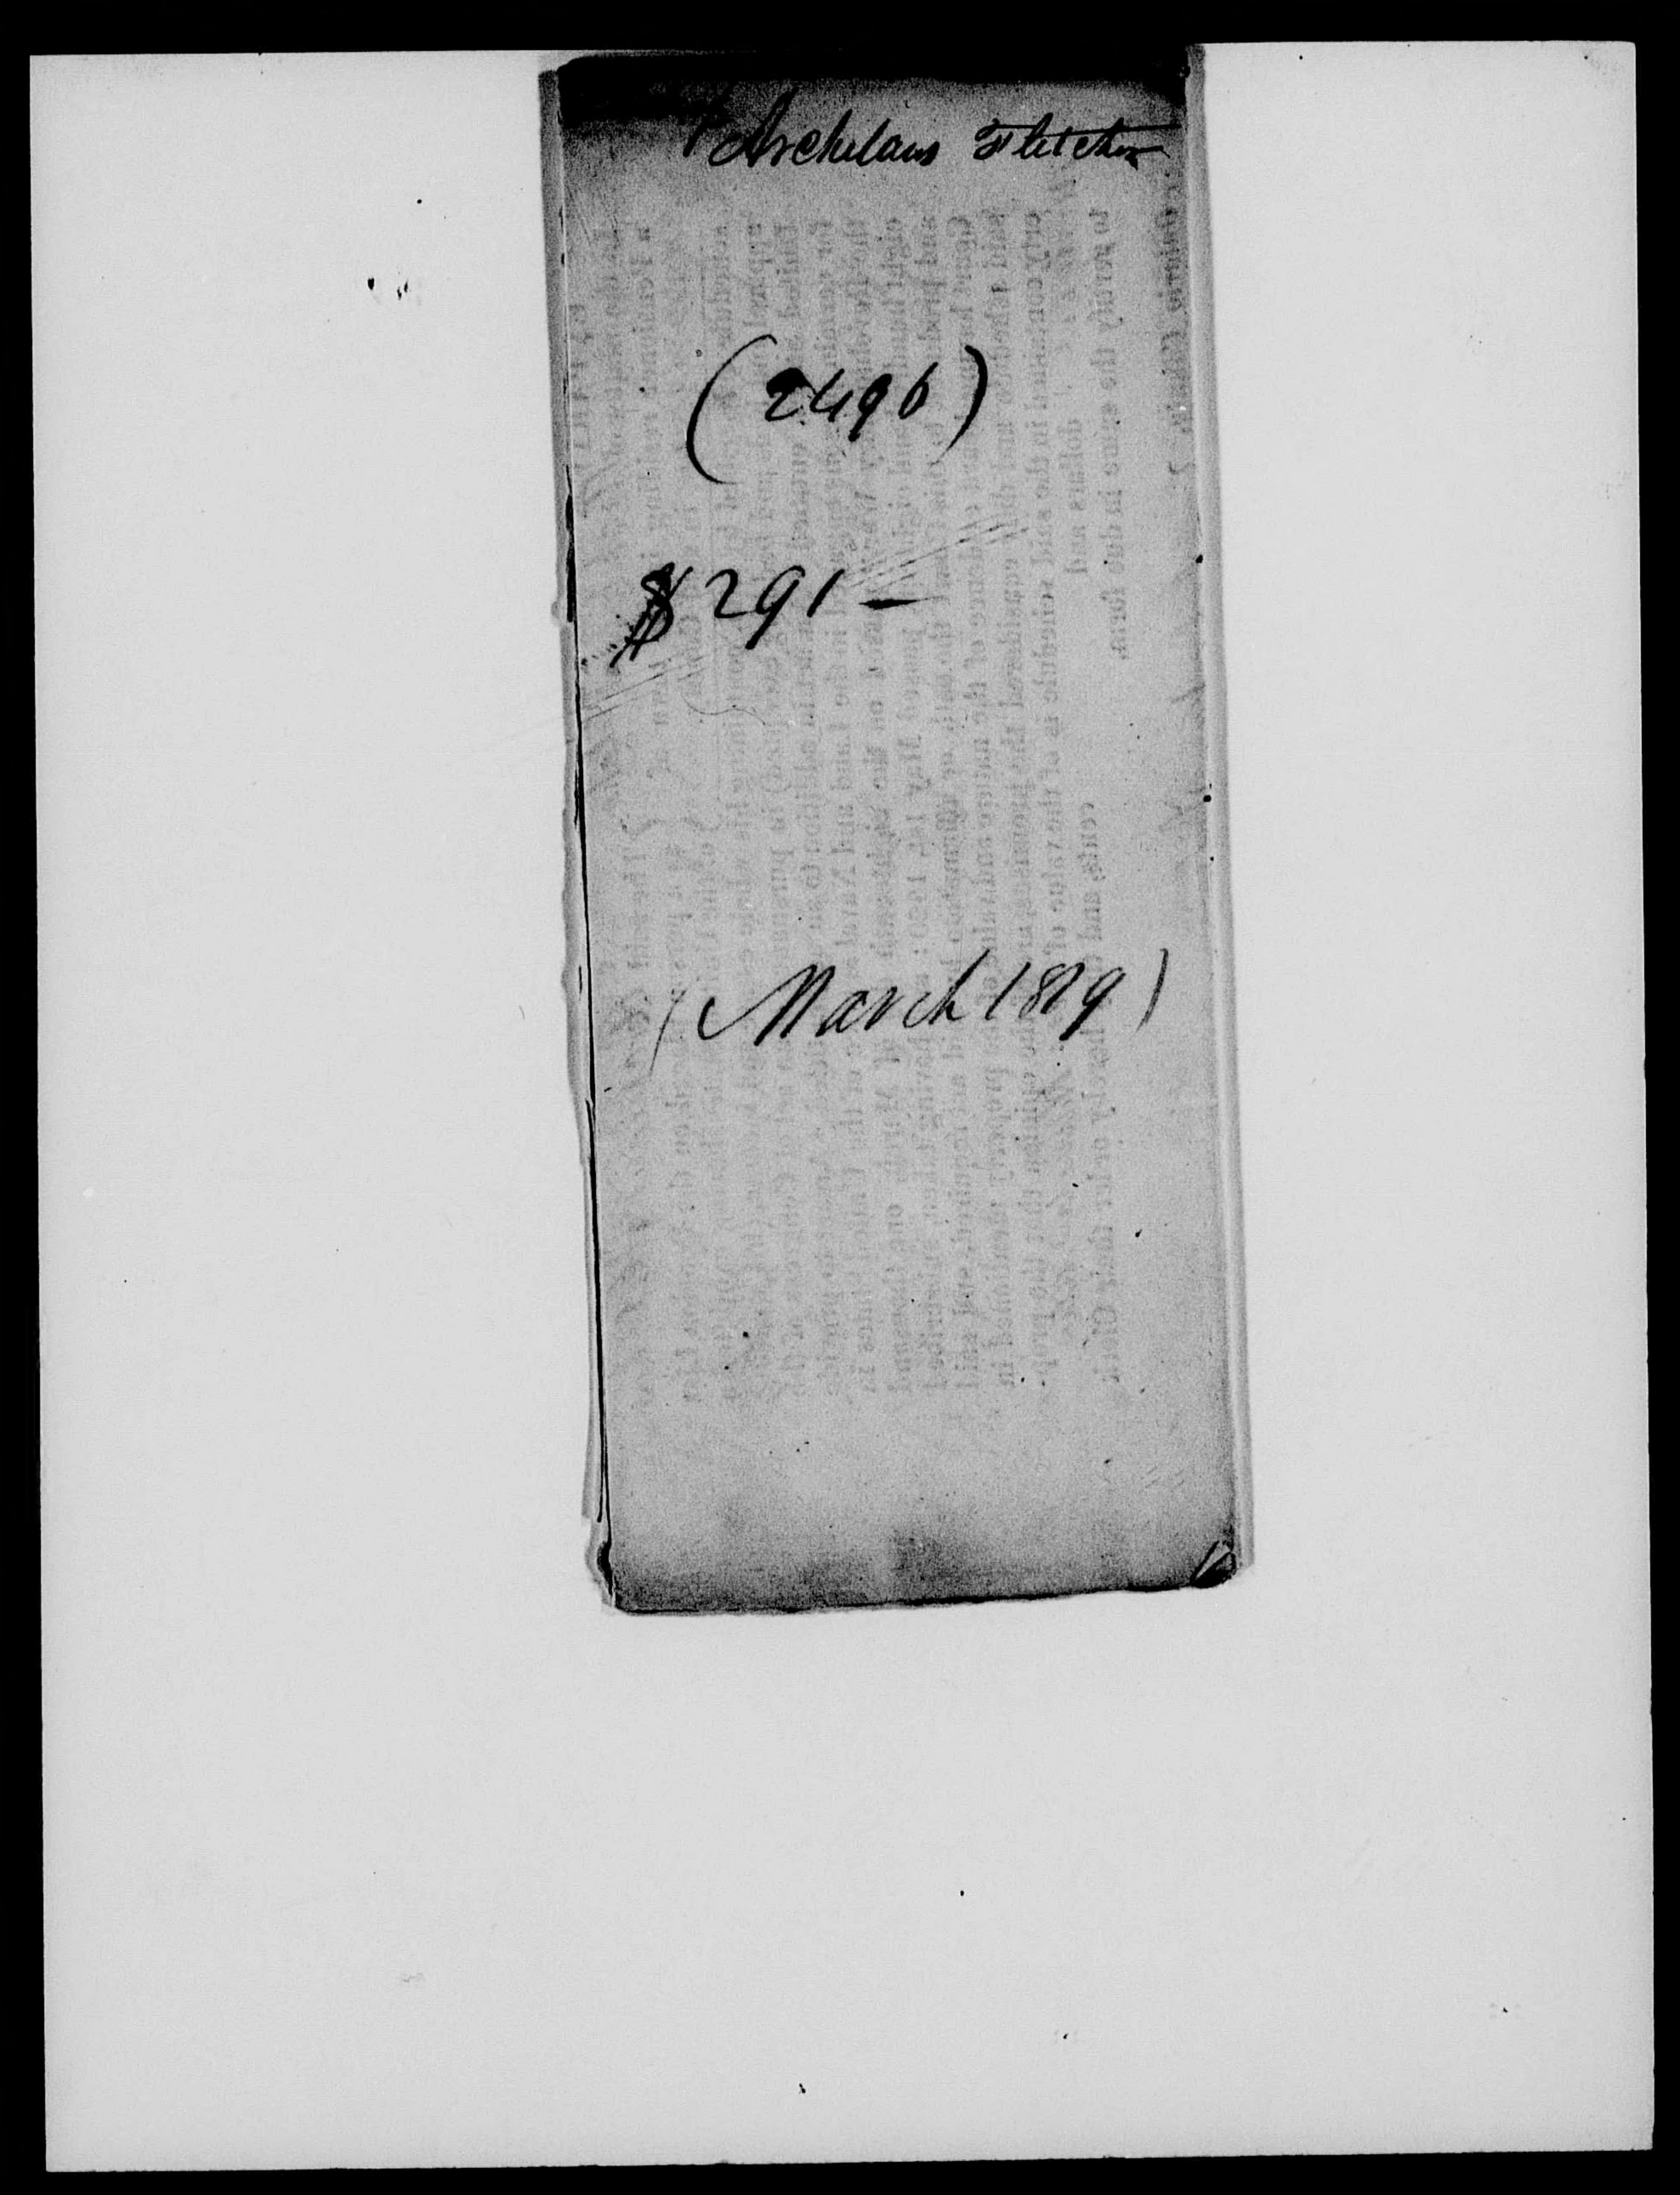Archelaus Fletcher
(2496)
$291-
March 1819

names: Archelaus Fletcher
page: 13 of 18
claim: survivor's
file: S. 44822, Archelaus Fletcher, Mass.